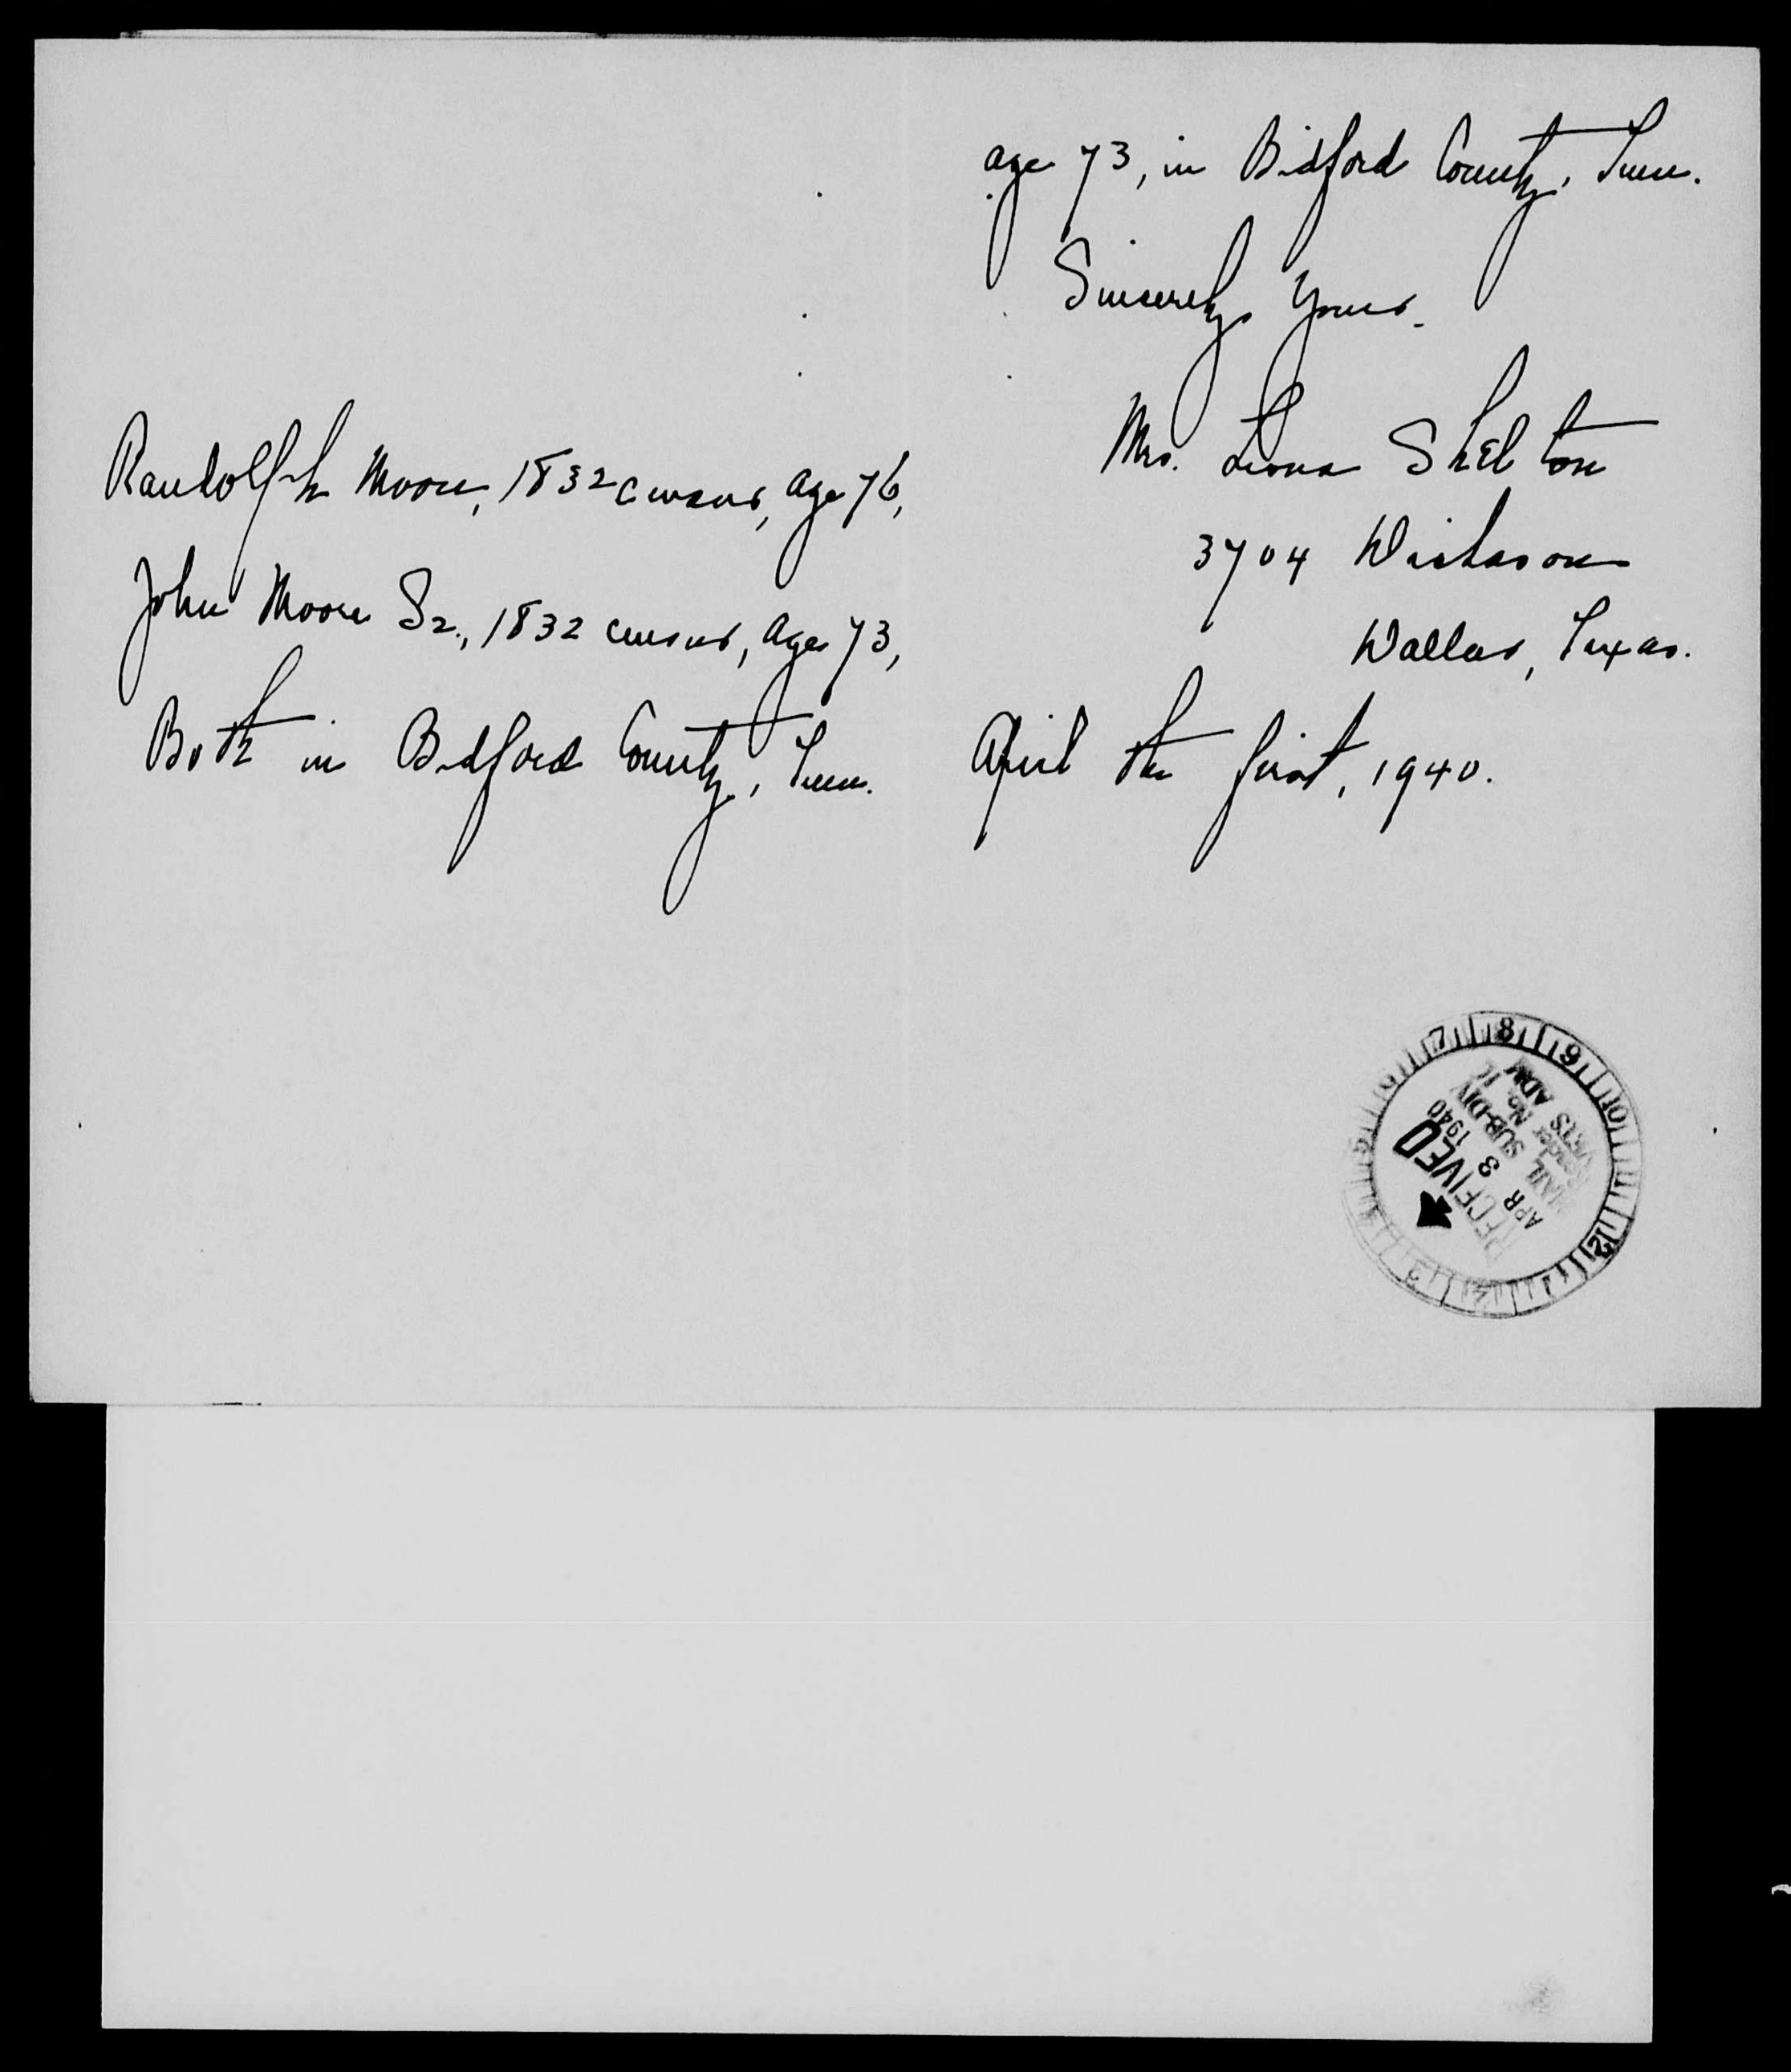Randolph Moore, 1832 census, age 76,

John Moore Sr. 1832 census, age 73,
Both in Bedford County, Tenn.

Age 73, in Bedford County, Tenn.
Sincerely yours,

Mrs. Leona Shelton
3704 Dishason
Dallas, Texas.

April the first, 1940.

[RECEIVED APR 3 1940 MAIL SUB.-DIV. Reader No. 10 VETS ADM 3:30]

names: Randolph Moore; Leona Shelton; John Moore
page: 31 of 33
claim: widow's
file: W. 52, for Randolph Moore, North Carolina